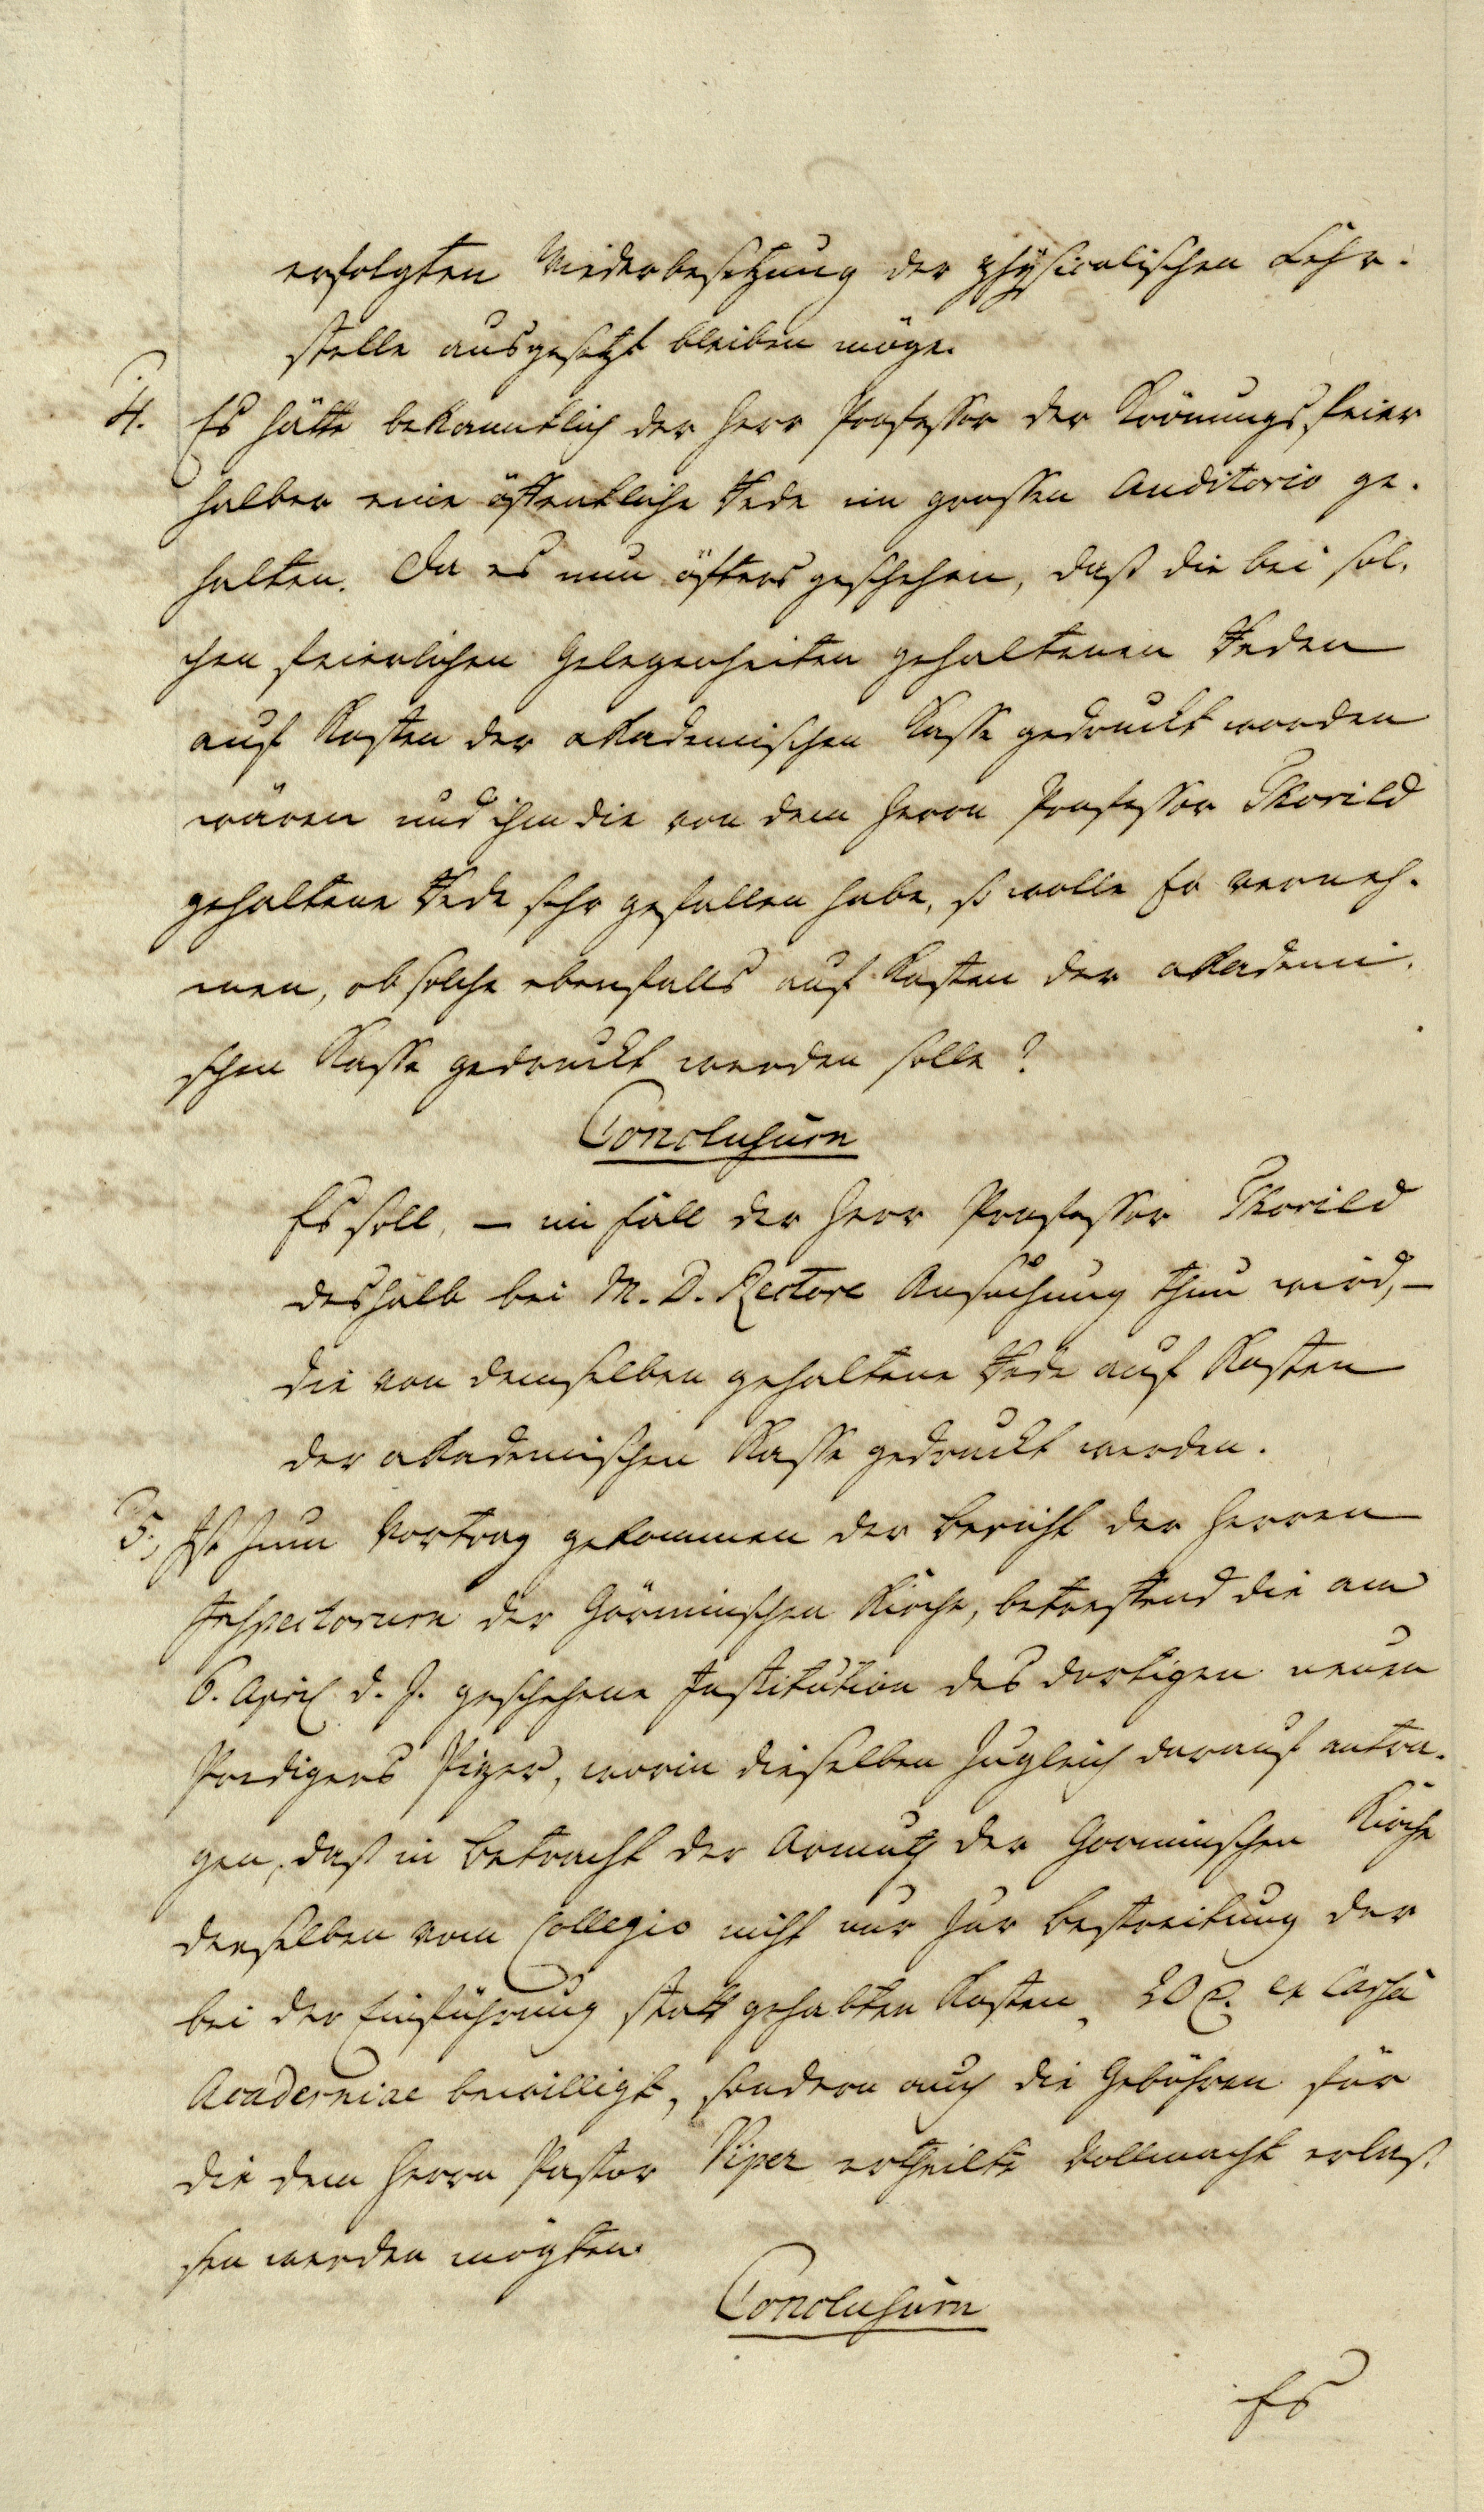erfolgten Wiederbesetzung der phÿsicalischen Lehr¬
stelle ausgesetzt bleiben möge.
4. Es hätte bekanntlich der Herr Professor der Krönungsfeier
halber eine öffentliche Rede im grossen Auditorio ge¬
halten. Da es nun öfters geschehen, daß die bei sol¬
chen feierlichen Gelegenheiten gehaltenen Reden
auf Kosten der akademischen Kasse gedruckt worden
wären und ihm die von dem Herrn Professor Thorild
gehaltene Rede sehr gefallen habe, so wolle Er verneh¬
men, ob solche ebenfalls auf Kosten der akademi¬
schen Kasse gedruckt werden solle?
Conclusum
Es soll im Fall der Herr Professor Thorild
deshalb bei M. D. Rectore Ansuchung thun wird,
die von demselben gehaltene Rede auf Kosten
der akademischen Kasse gedruckt werden.
5, Ist zum Vortrag gekommen der Bericht der Herren
Inspectorum der Görminschen Kirche, betreffend die am
6. April d. J. geschehene Institution des dortigen neuen
Predigers Piper, worin dieselben zugleich darauf antra¬
gen, daß in Betracht der Armuth der Gormnischen Kirche
derselben vom Collegio nicht nur zur Bestreitung der
bei der Einführung statt gehabten Kosten 20 l. ex cassa
Academiae bewilligt, sondern auch die Gebühren für
die dem Herrn Pastor Piper ertheilte Vollmacht verlas¬
sen werden mögten.
Conclusum
Es